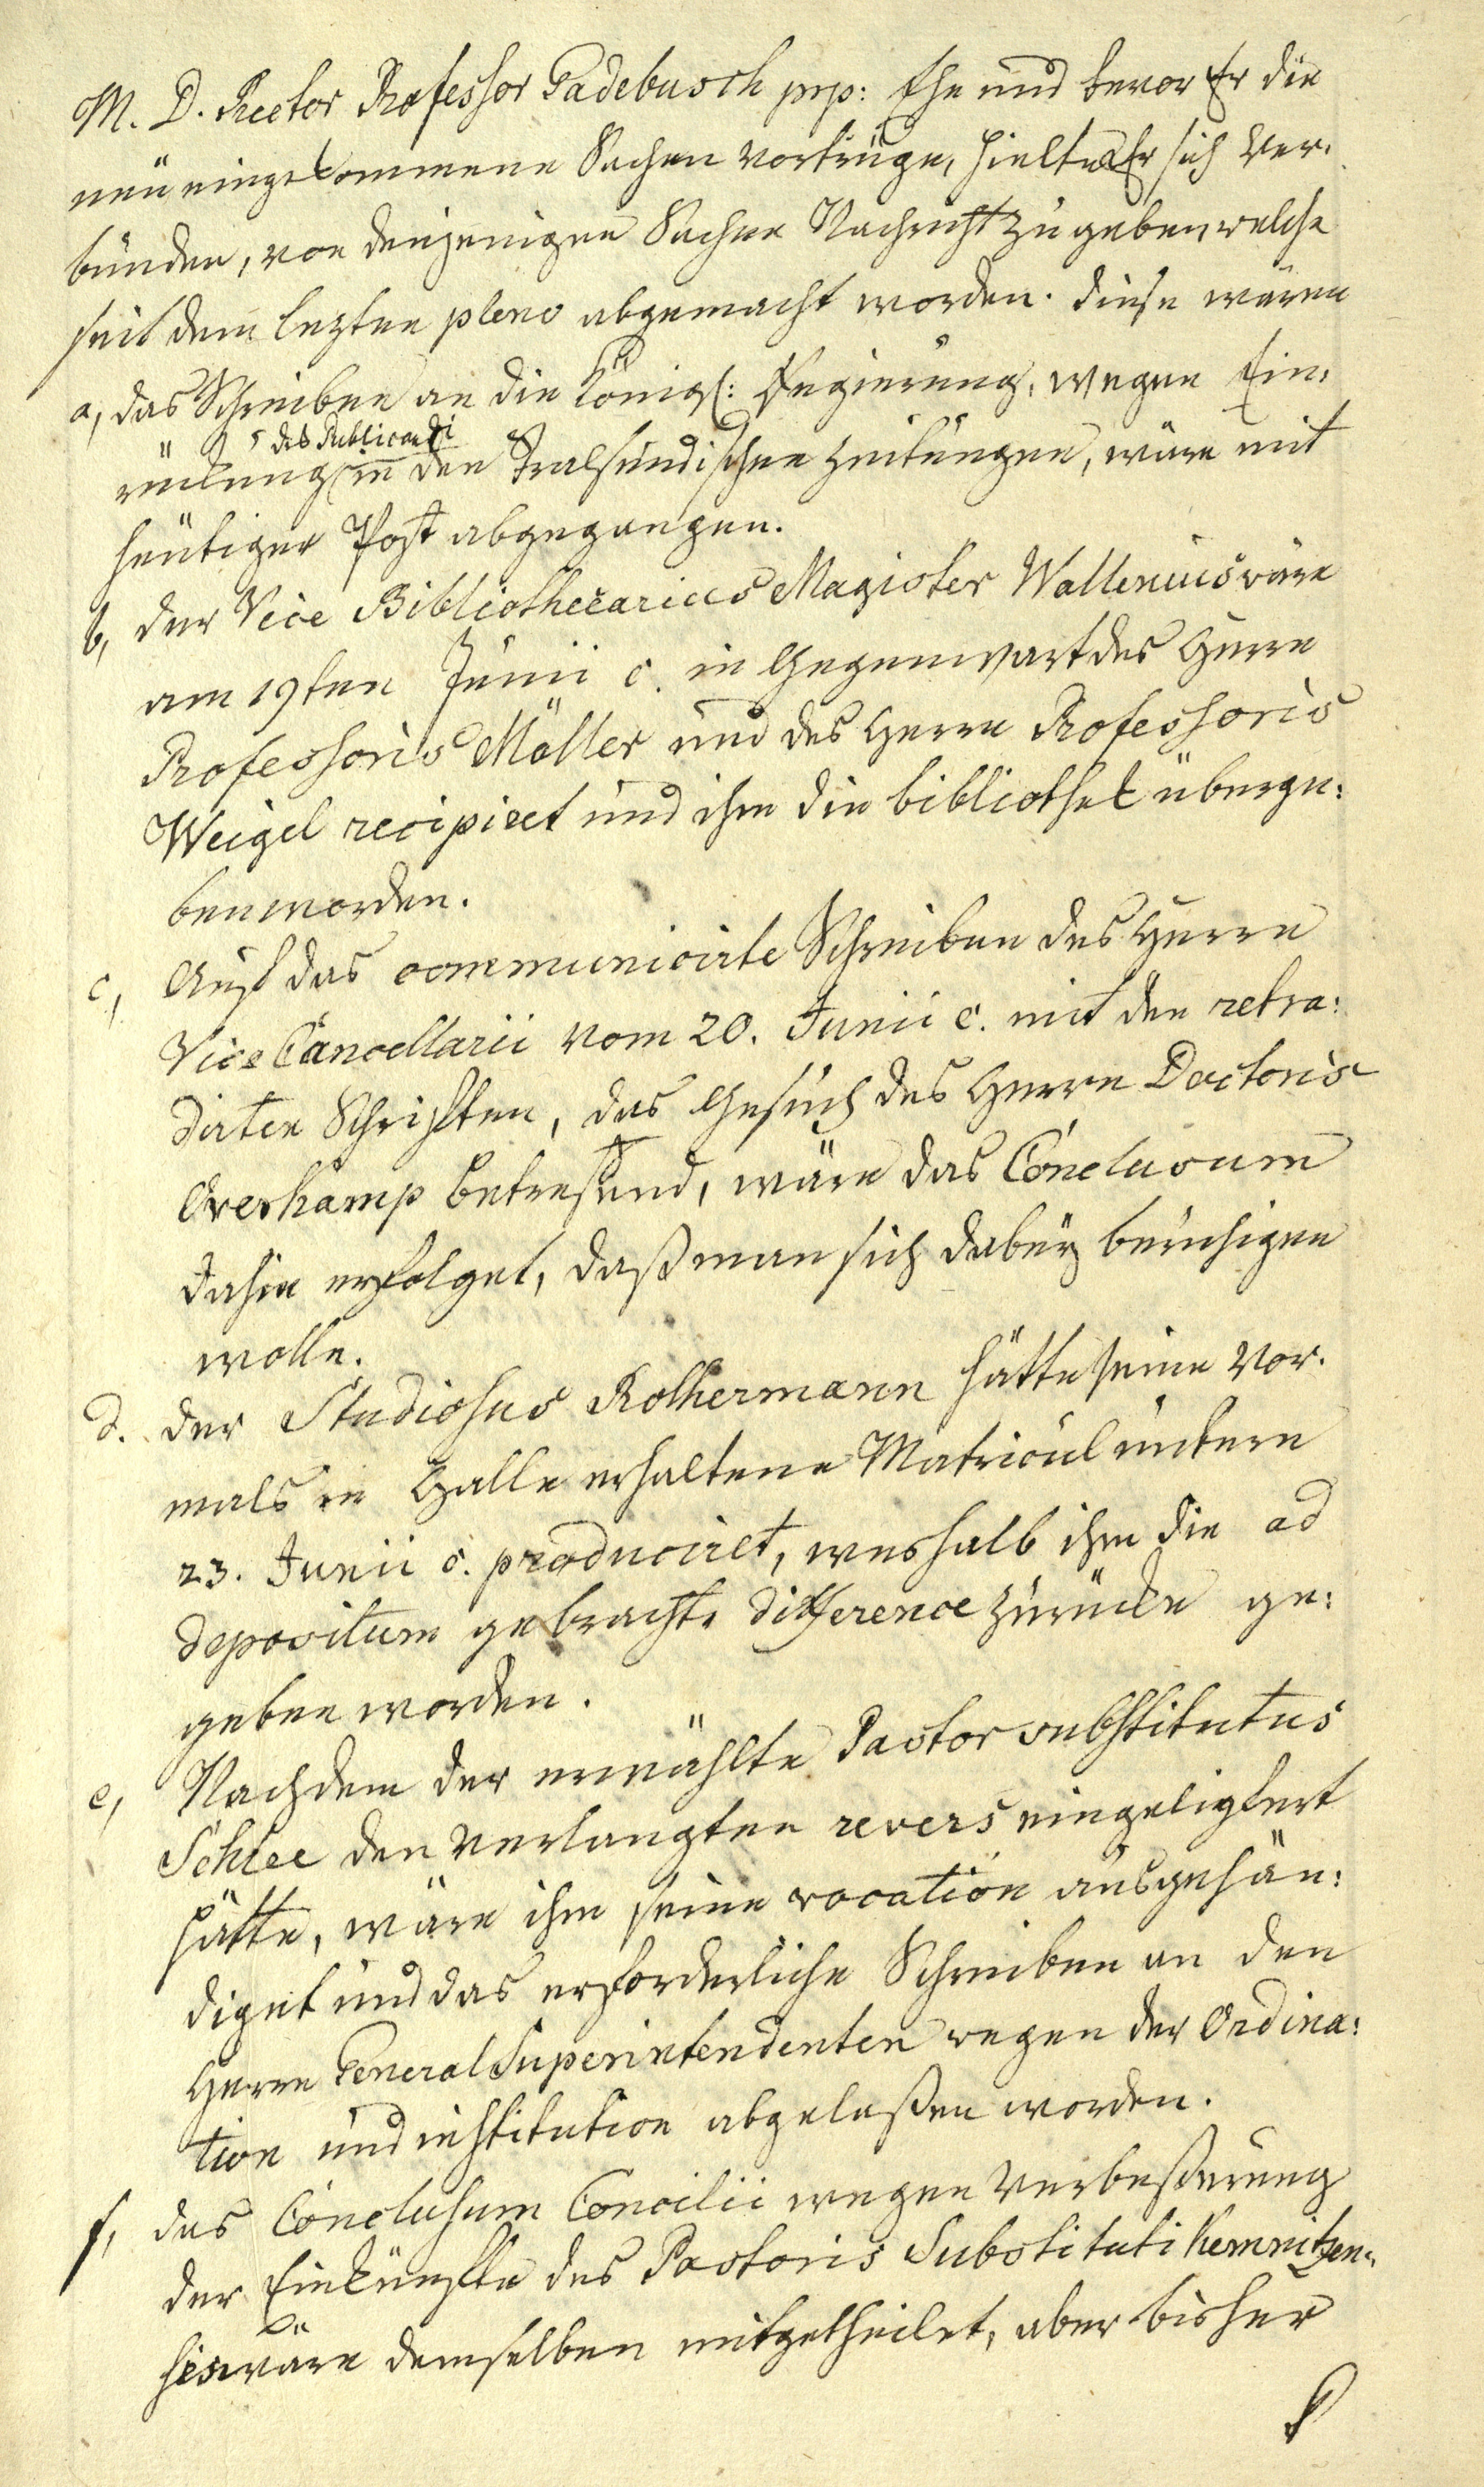M. D. Rector Professor Gadebusch prp. Ehe und bevor Er die
neu eingekommene Sachen vortrüge, hielte Er sich ver¬
bunden, von denjenigen Sachen Nachricht zu geben, welche
seit dem lezten pleno abgemacht worden. diese wären
a, das Schreiben an die Königl. Regierung, wegen Ein¬
rückung des Publicandi in den Stralsundischen Zeitungen, wäre mit
heutiger Post abgegangen
b, der Vice Bibliothecarius Magister Wallenius wäre
am 19 ten Junii c. in Gegenwart des Herrn
Professoris Möller und des Herrn Professoris
Weigel recipiret und ihm die Bibliothek überge¬
ben worden.
c, Auf das communicirte Schreiben des Herrn
Vice Cancellarii vom 20. Junii c. mit den retra¬
dirten Schriften, das Gesuch des Herrn Doctoris
Overkamp betreffend, wäre das Conclusum
dahin erfolget, daß man sich dabeÿ beruhigen
wolle.
d. der Studiosus Rothermann hätte seine vor¬
mals in Halle erhaltene Matricul untern
23. Junii c. produciret, weshalb ihm die ad
depositum gebrachte difference zurücke ge¬
geben worden.
e, Nachdem der erwählte Pastor substitutus
Schlee den verlangten revers eingeliefert
hätte, wäre ihm seine vocation ausgehän¬
digt und das erforderliche Schreiben an den
Herrn GeneralSuperintendenten wegen der Ordina¬
tion und institution abgelaßen worden.
f, das Conclusum Concilii wegen Verbeßerung
der Einkünfte des Pastoris Substituti Kemnitzen¬
sis wäre demselben mitgetheilet, aber bisher
k